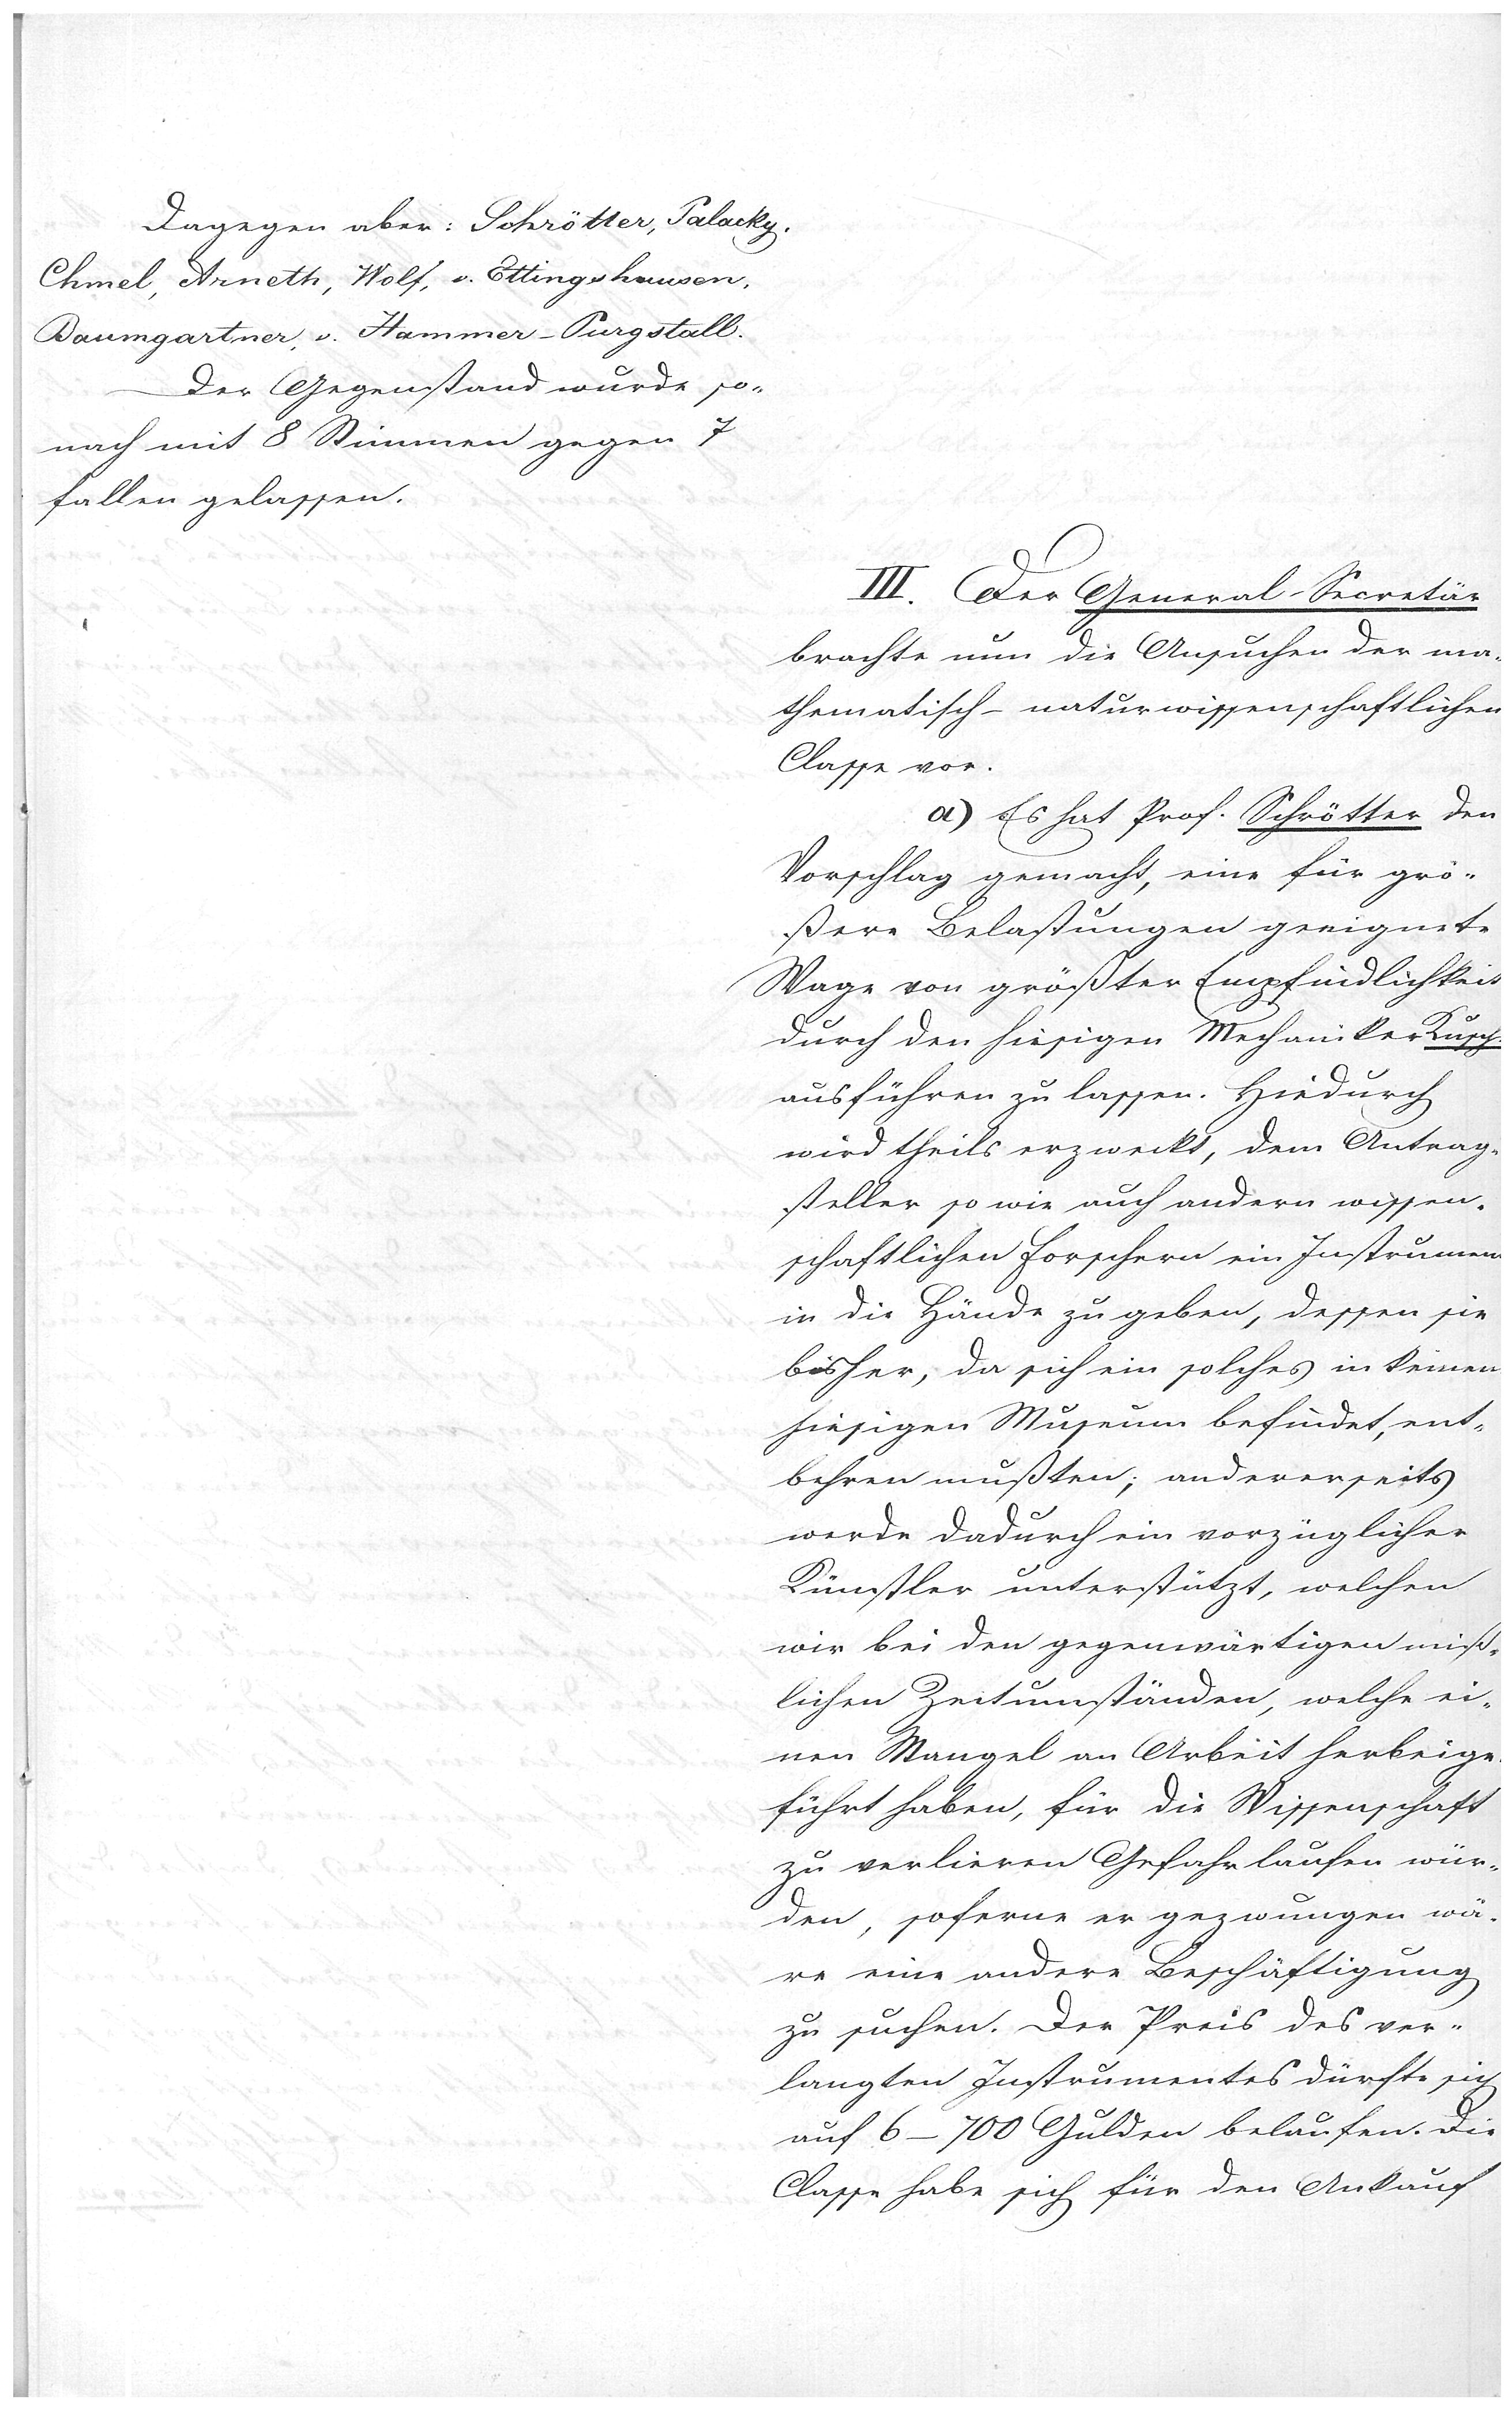dagegen aber: Schrötter, Palacky,
Chmel, Arneth, Wolf, v. Ettingshausen.
Baumgartner, v. Hammer-Purgstall.
Der Gegenstand wurde so-
nach mit 8 Stimmen gegen 7
fallen gelassen.
III. Die General-Secretär
brachte nun die Ansuchen der ma-
thematisch-naturwissenschaftlichen
Classe vor.
a) Es hat Prof. Schrötter den
Vorschlag gemacht, eine für grö-
ßere Belastungen geeignete
Wage von größter Empfindlichkeit
durch den hiesigen Mechaniker Kusch
ausführen zu lassen. Hiedurch
wird theils erzweckt, dem Antrag-
steller sowie auch andern wissen-
schaftlichen Forschern ein Instrument
in die Hände zu geben, dessen sie
bisher, da sich ein solches in keinen
hiesigen Museum befindet, ent
behren mußten; andererseits
werde dadurch ein vorzüglicher
Künstler unterstützt, welchen
wir bei den gegenwärtigen miß-
lichen Zeitumständen, welche ei-
nen Mangel an Arbeit herbeige-
führt haben, für die Wissenschaft
zu verlieren Gefahr laufen wür-
den, soferne er gezwungen wä-
re eine andere Beschäftigung
zu suchen. Der Preise des ver-
langten Instrumentes dürfte sich
auf 6-700 Gulden belaufen. Die
Classe habe sich für den Ankauf